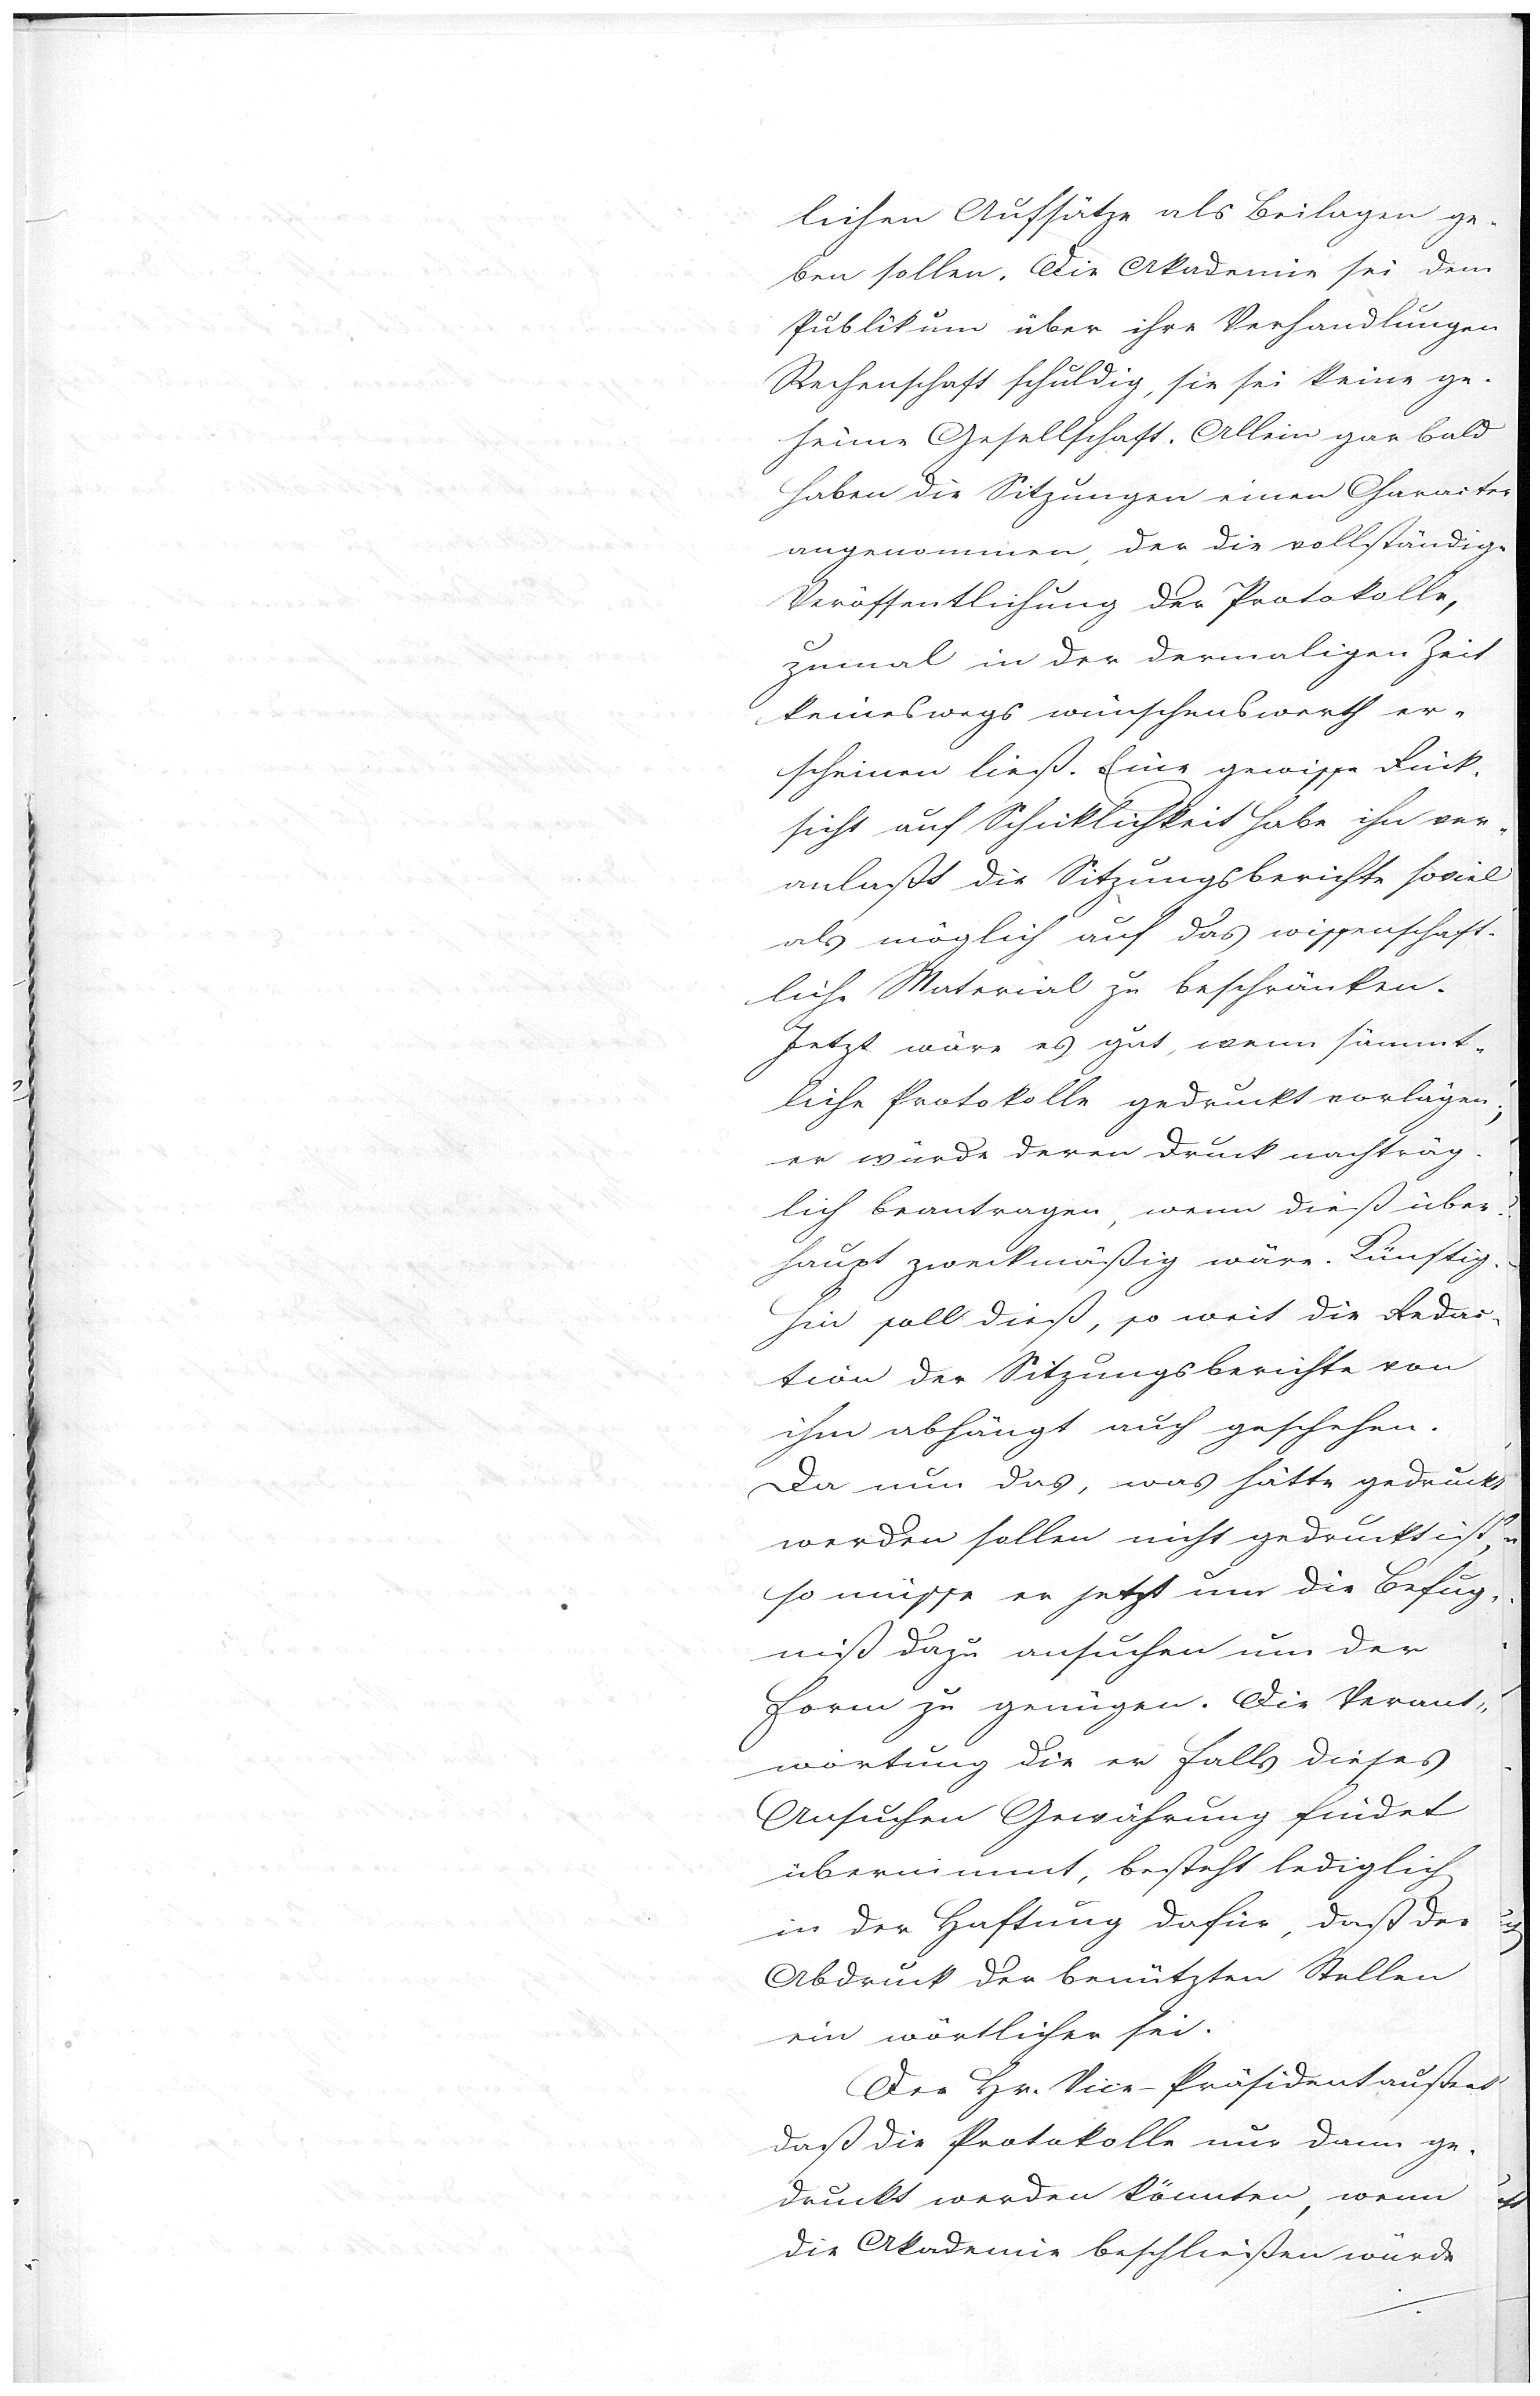lichen Aufsätze als Beilagen ge-
ben sollen. Die Akademie seit dem
Publikum über ihre Verhandlungen
Rechenschaft schuldig, sie sein keine ge-
heime Gesellschaft. Allein gar bald
haben die Sitzungen einen Character-
angenommen, der die vollständige
Veröffentlichung die Protokolle,
zumal in der dermalige Zeit
keineswegs wünschenwerth er-
scheinen ließ. Eine gewisse Rück-
sicht auf Schicklichkeit habe ihn ver-
anlaßt die Sitzungsberichte soviel
als möglich auf das wissenschaft-
liche Material zu beschränken.
Jetzt wäre es gut, wenn sämmt-
liche Protokolle gedruckt vorlägen;
er würde deren Druck nachträg-
lich beantragen, wenn dieß über-
haupt zweckmäßig wäre. Künftig-
hin soll dieß, so weit die Redac-
tion der Sitzungsberichte von
ihm abhängt auch geschehen.
Da nun das, was hätte gedruckt
werden sollen nicht gedruckt ist,
so müsse er jetzt um die Befug-
niß dazu ansuchen um der
Form zu genügen. Die Verant-
wortung die er falls dieses
Ansuchen Gewährung findet
übernimmt, besteht lediglich
in der Haftung dafür, daß der
Abdruck der benützten Stellen
ein wörtlicher sei.
Der Hr. Vice-Präsident äußert
daß die Protokolle nur dann ge-
druckt werden könnten, wenn
die Akademie beschließen würde